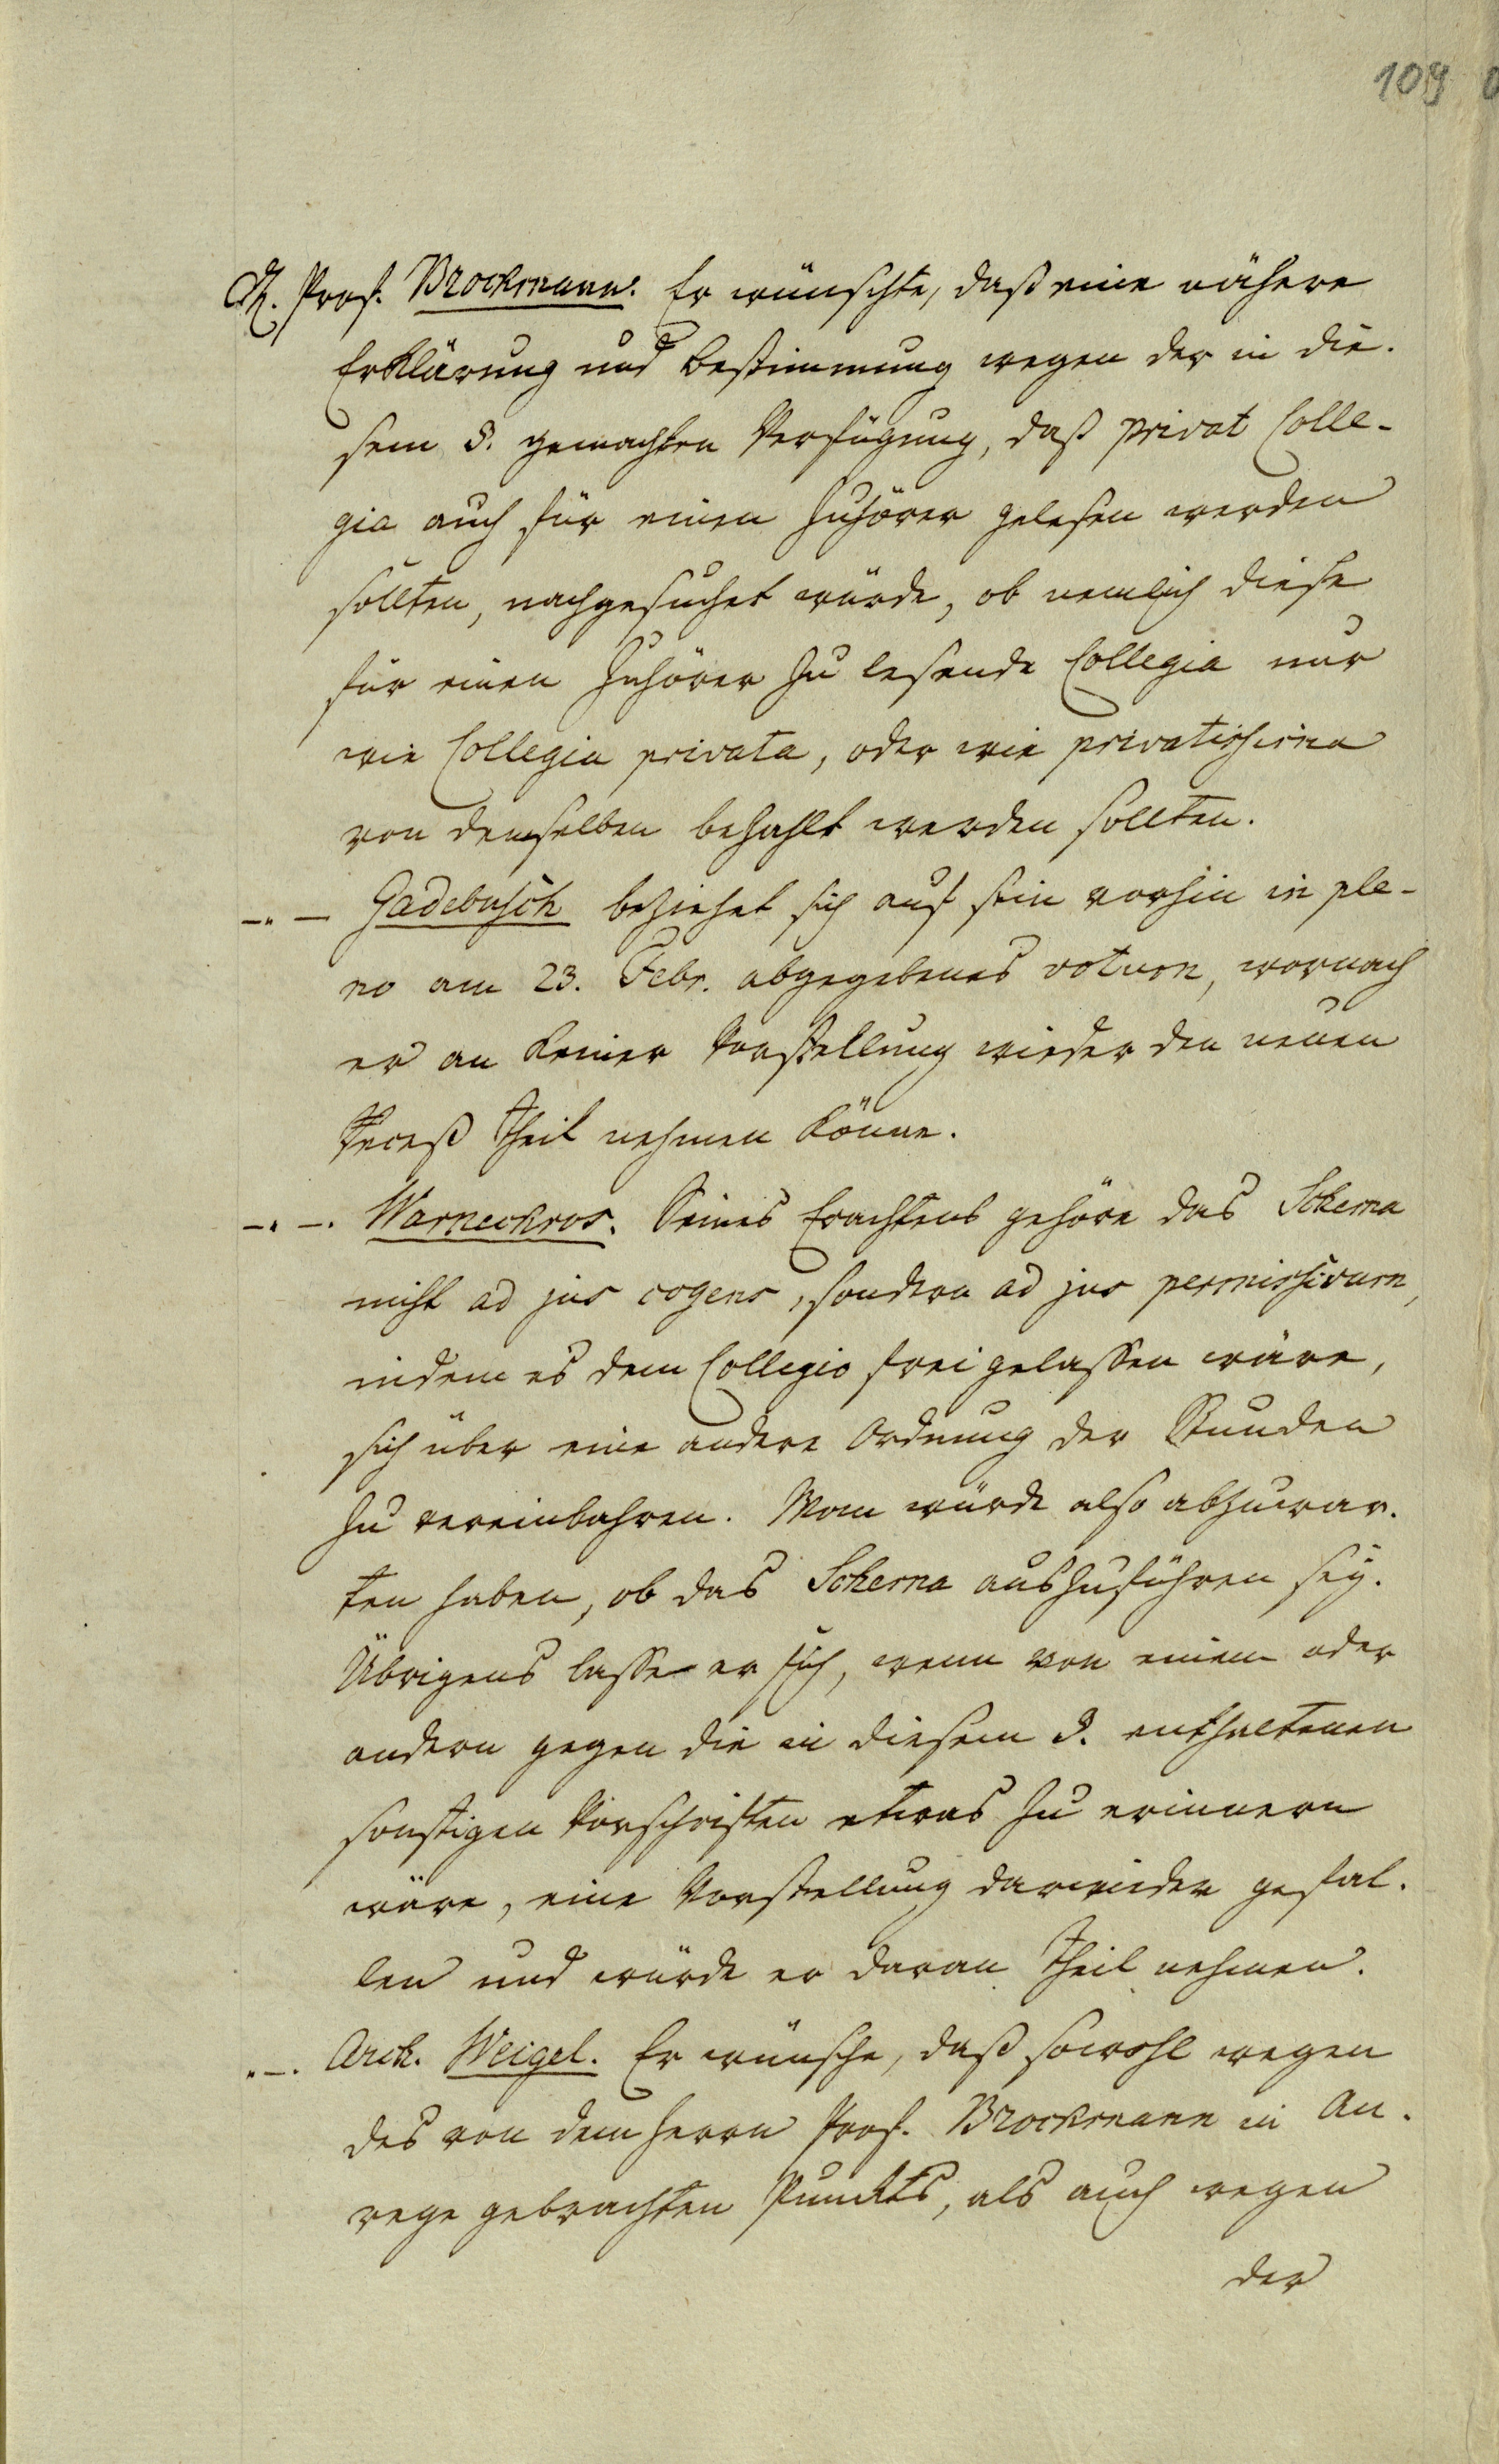dh. Prof. Brockmann. Er wünschte, daß eine nähere
Erklärung und Bestimmung wegen der in die¬
sem §. gemachten Verfügung, daß privat Colle¬
gia auch für einen Zuhörer gelesen werden
sollten, nachgesuchet würde, ob nemlich diese
für einen Zuhörer zu lesende Collegia nur
wie Collegia privata, oder wie privatissima
von demselben bezahlt werden sollten.
Gadebusch beziehet sich auf sein vorhin in ple¬
no am 23. Febr. abgegebenes votum, wornach
er an keiner Vorstellung wieder den neuen
Receß Theil nehmen könne.
Warneckros. Seines Erachtens gehöre das Schema
nicht ad jus cogens, sondern ad jus permissivum,
indem es dem Collegio frei gelassen wäre,
sich über eine andere Ordnung der Stunden
zu vereinbahren. Man würde also abzuwar¬
ten haben, ob das Schema auszuführen seÿ.
Übrigens lasse er sich, wenn von einem oder
andern gegen die in diesem §. enthaltenen
sonstigen Vorschriften etwas zu erinnern
wäre, eine Vorstellung darwieder gefal¬
len und würde er daran Theil nehmen.
Arch. Weigel. Er wünsche, daß sowohl wegen
des von dem Herrn Prof. Brockmann in An¬
rege gebrachten Punckts, als auch wegen
der